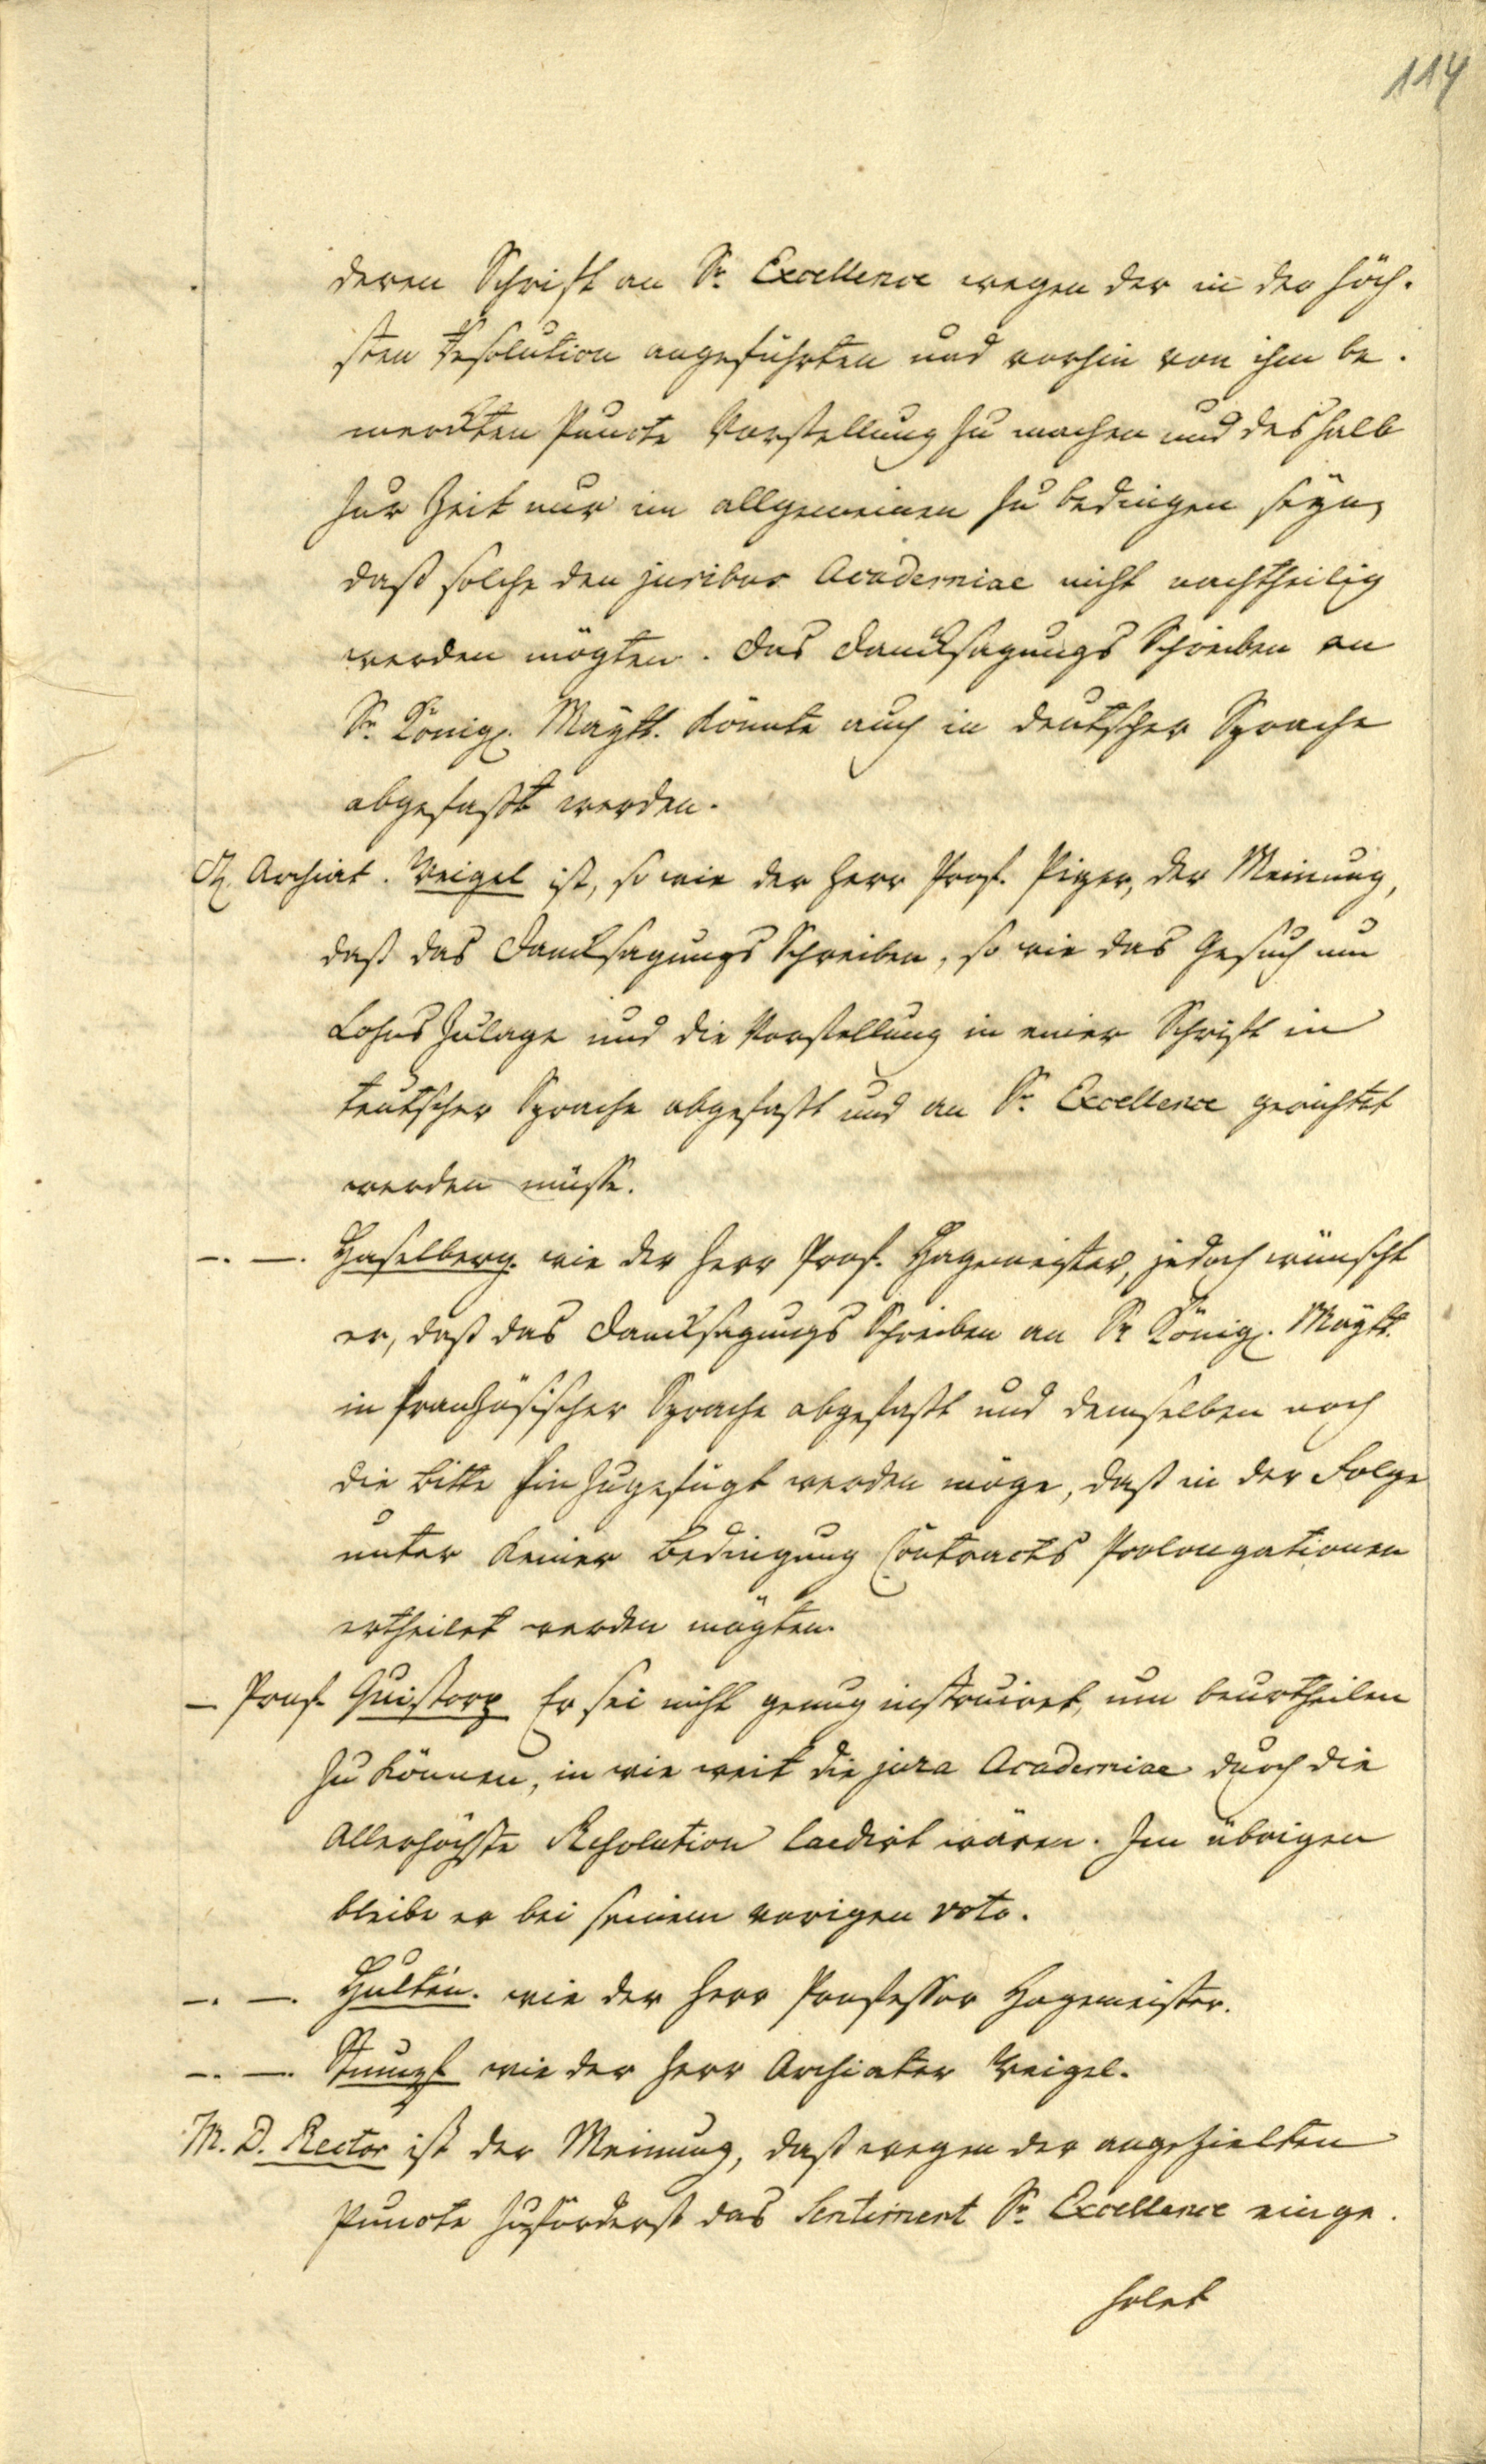deren Schrift an Sr Excellence wegen der in der höch¬
sten Resolution angeführten und vorhin von ihm be¬
merckten Puncte Vorstellung zu machen und deshalb
zur Zeit nur im allgemeinen zu bedingen seÿn,
daß solche den juribus Academiae nicht nachtheilig
werden mögten. Das Dancksagungs Schreiben an
Sr. Königl. Maÿtt. könnte auch in deutscher Sprache
abgefaßt werden.
dh. Archiat. Weigel ist, so wie der Herr Prof. Piper, der Meinung,
daß das Dancksagungs Schreiben, so wie das Gesuch um
Lohns Zulage und die Vorstellung in einer Schrift in
teutscher Sprache abgefaßt und an Sr Excellence gerichtet
werden müsse.
Haselberg. wie der Herr Prof. Hagemeister, jedoch wünscht
er, daß das Dancksagungs Schreiben an Sr Königl. Maÿtt.
in französischer Sprache abgefaßt und demselben noch
die Bitte hin zugefügt werden möge, daß in der Folge
unter keiner Bedingung Contracts Polongationen
ertheilet werden mögten.
Prof. Quistorp Er sei nicht genug instruiret, um beurtheilen
zu können, in wie weit die jura Academiae durch die
Allerhöchste Resolution laidert wären. Im übrigen
bleibe er bei seinem vorigen voto.
Hultén. wie der Herr Professor Hagemeister.
Stumpf. wie der Herr Archiater Weigel.
M. D. Rector ist der Meinung, daß wegen der angezielten
Puncte zuförderst das Sentiment Sr. Excellence einge¬
holet